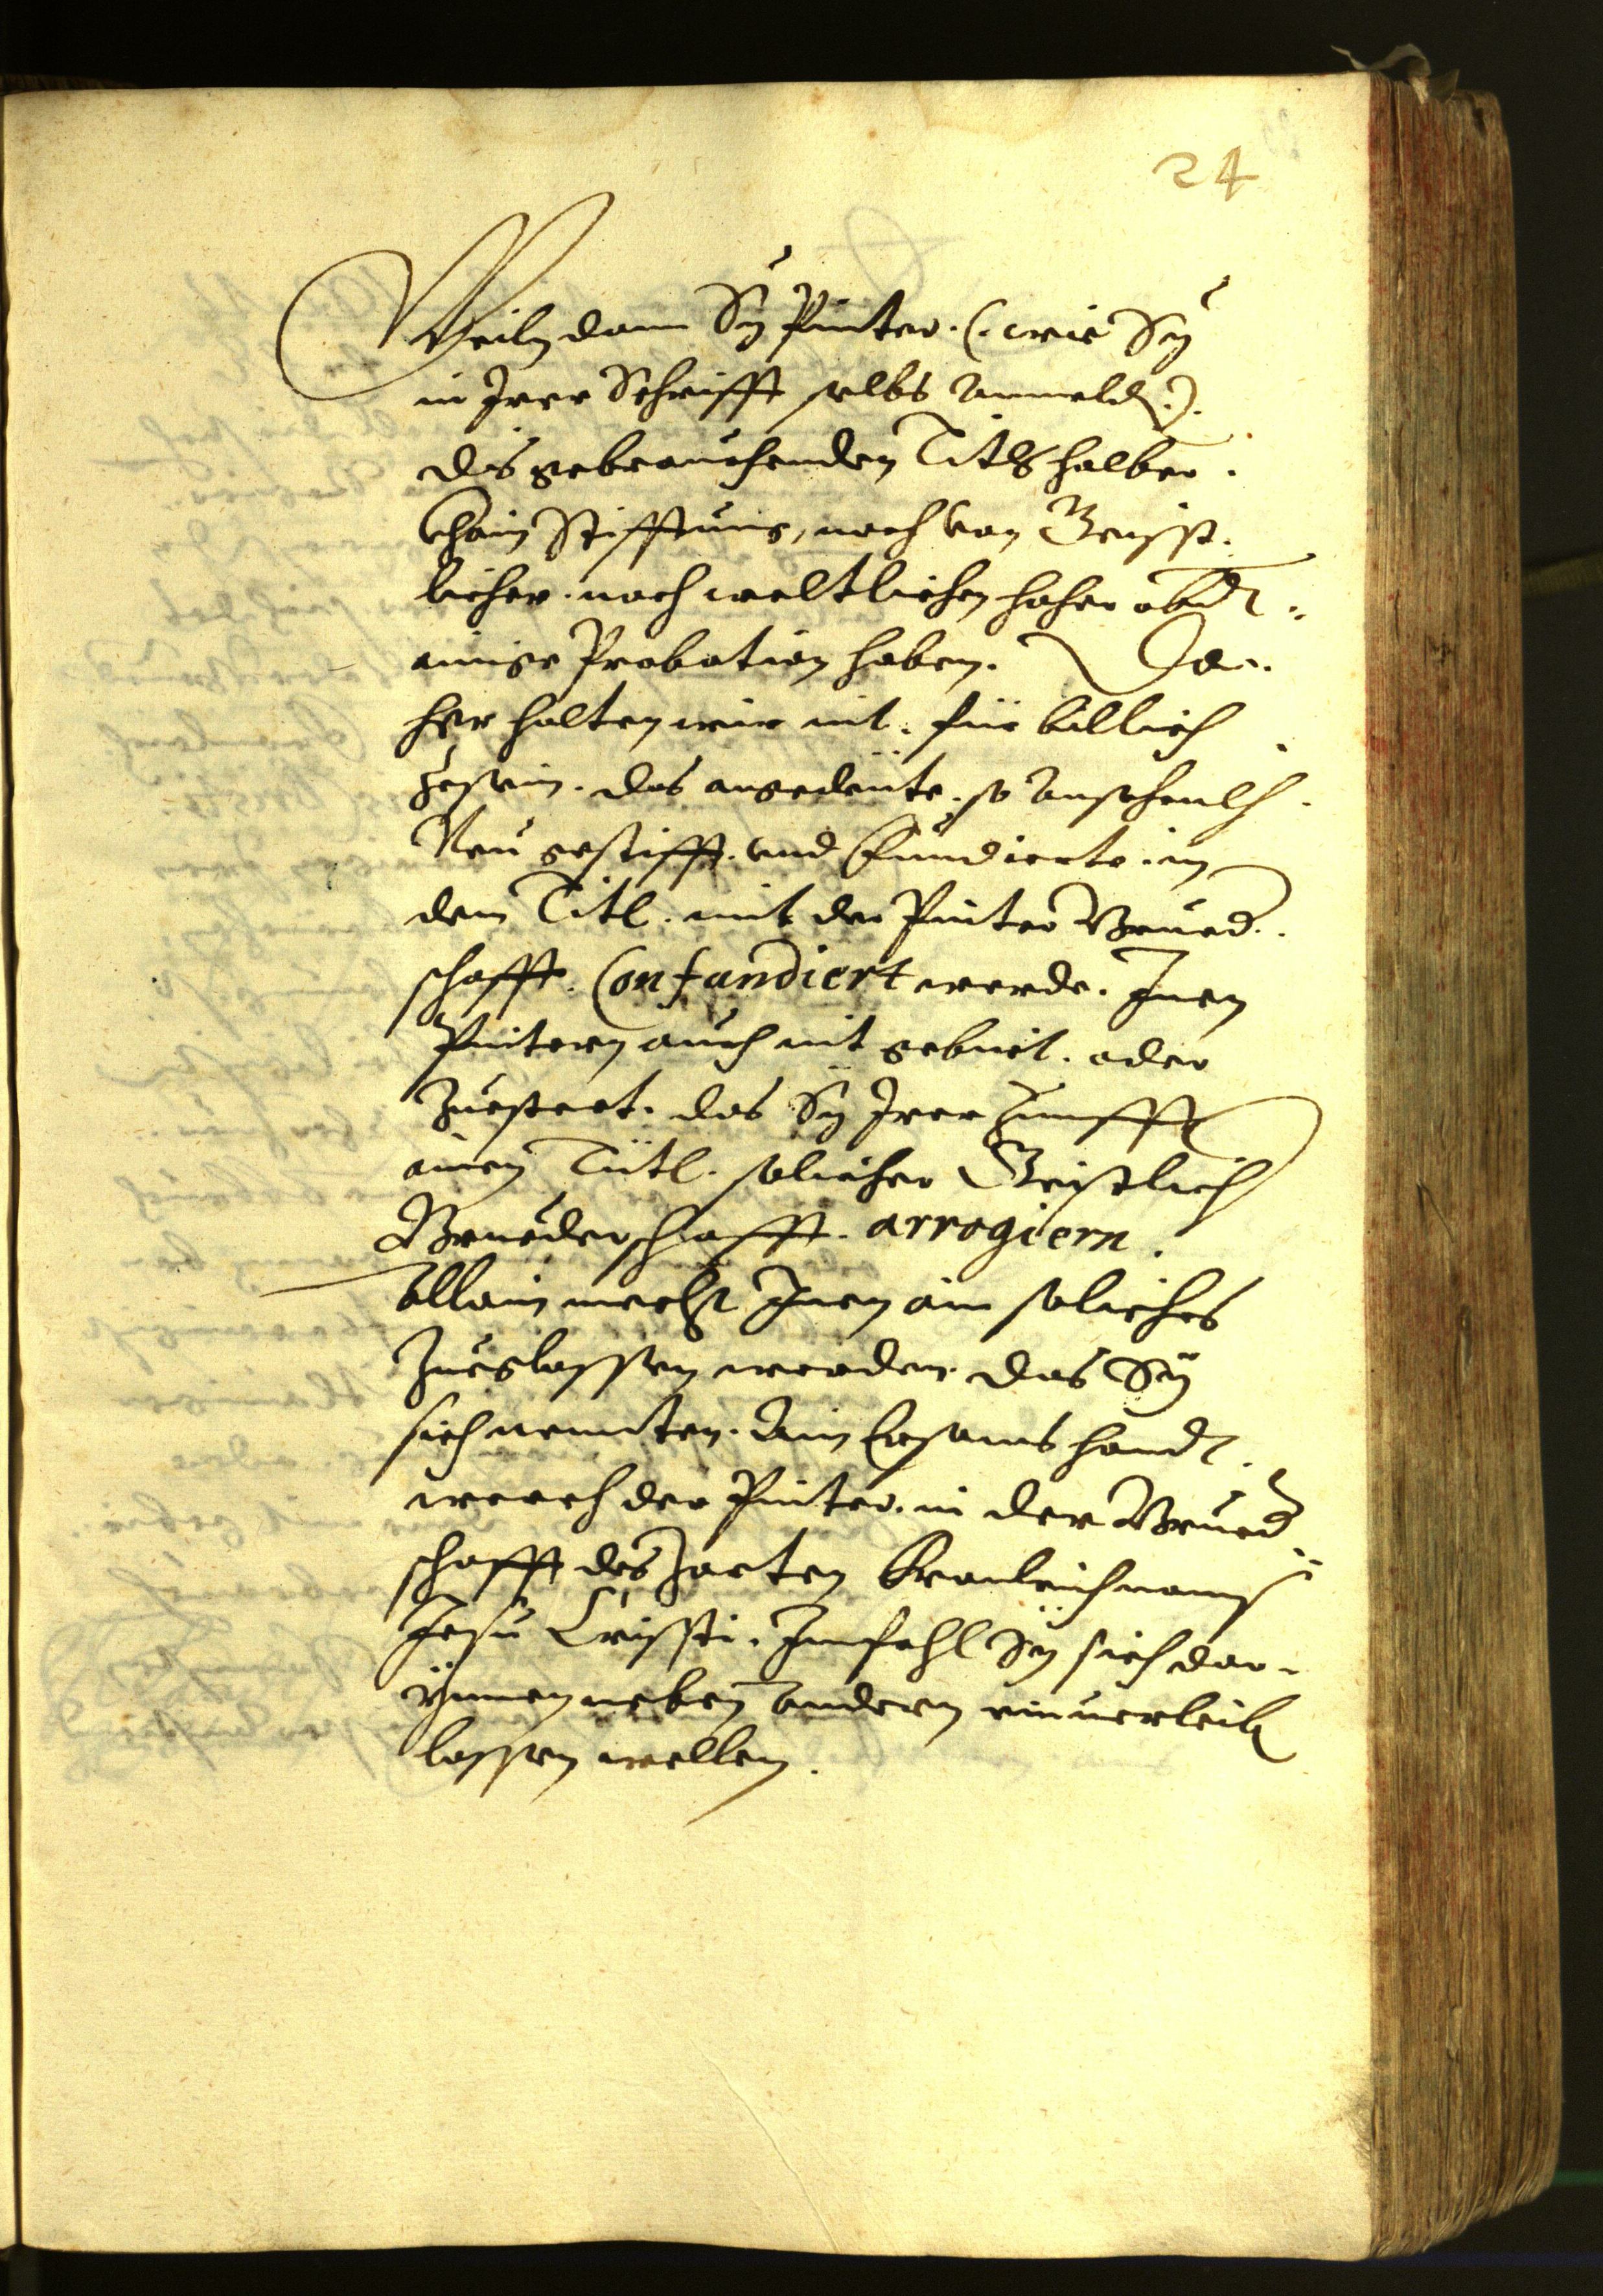24
Weiln dann Sȳ Pinter .(.wie Sȳ
In Irer Schrifft selbs Anmeld.).
dis gebraūchenden Titls halber.
Khain Stifftūng, noch von Geisst¬
licher. noch weltlichen hohen ob
ainige Probation haben. Da¬
her halten wir nit. für billich.
Zesein. das angedeüte so Ansehnlich.
Neū gestifft. vnd fūndierte. im
dem Titl. mit der Pinter Brūed¬
schafft Confandiert werde. Inen
Pintern aūch nit gebiet. oder
Zūesteet. das Sÿ Irer Zūnfft
ainen Tütl. solicher Geistlich
Brūederschafft. arrogiern.
Allain mecht Inen ain soliches
Zūeglassen werden. das Sÿ
sich nemten. Ain Ersams handt¬
werch der Pinter. in der Brūed¬
schafft des Zarten Fronleichnams
Jesū Crissti. Innfahl Sÿ sich dar¬
ÿnnen neben Andern einūerleib
lassen wellen.